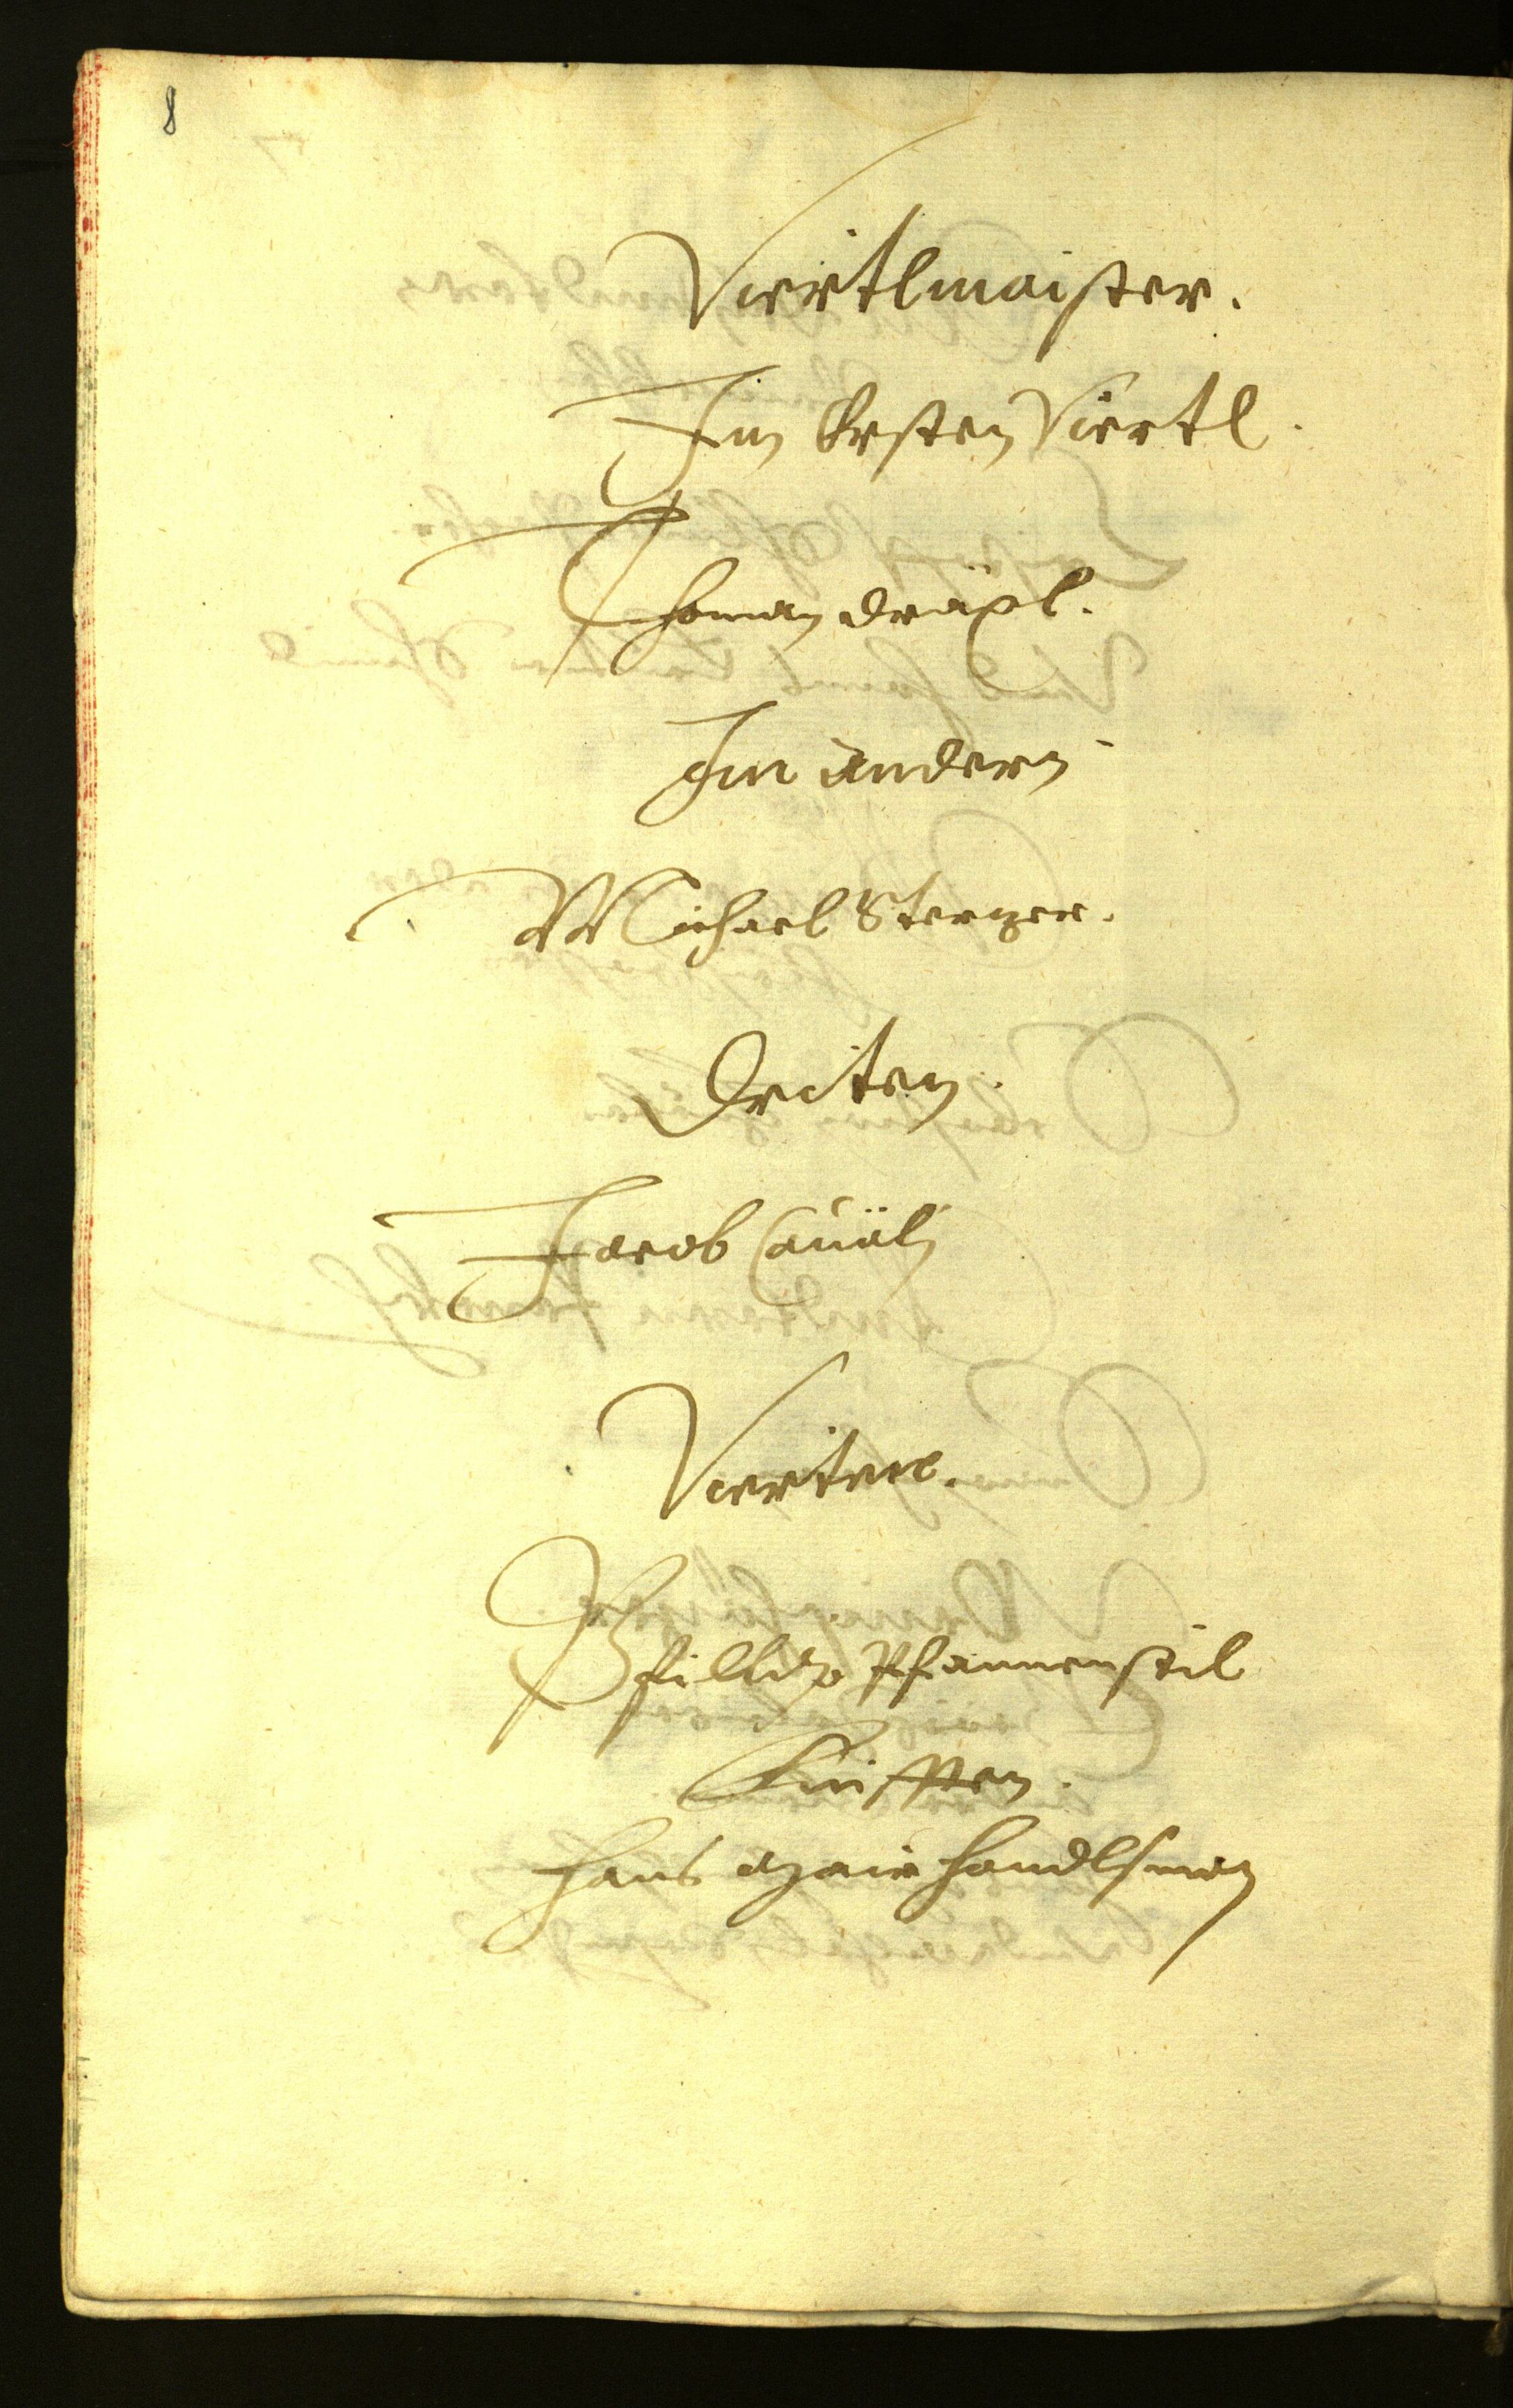8
Viertlmaister.
Im Ersten Viertl.
Thoman dräxl.
Im Andern.
Michael Sterzer.
Driten.
Jacob Cānälj
Vierten.
Pfillip Pfannenstil
Fūnfften.
hans Mair handlsman